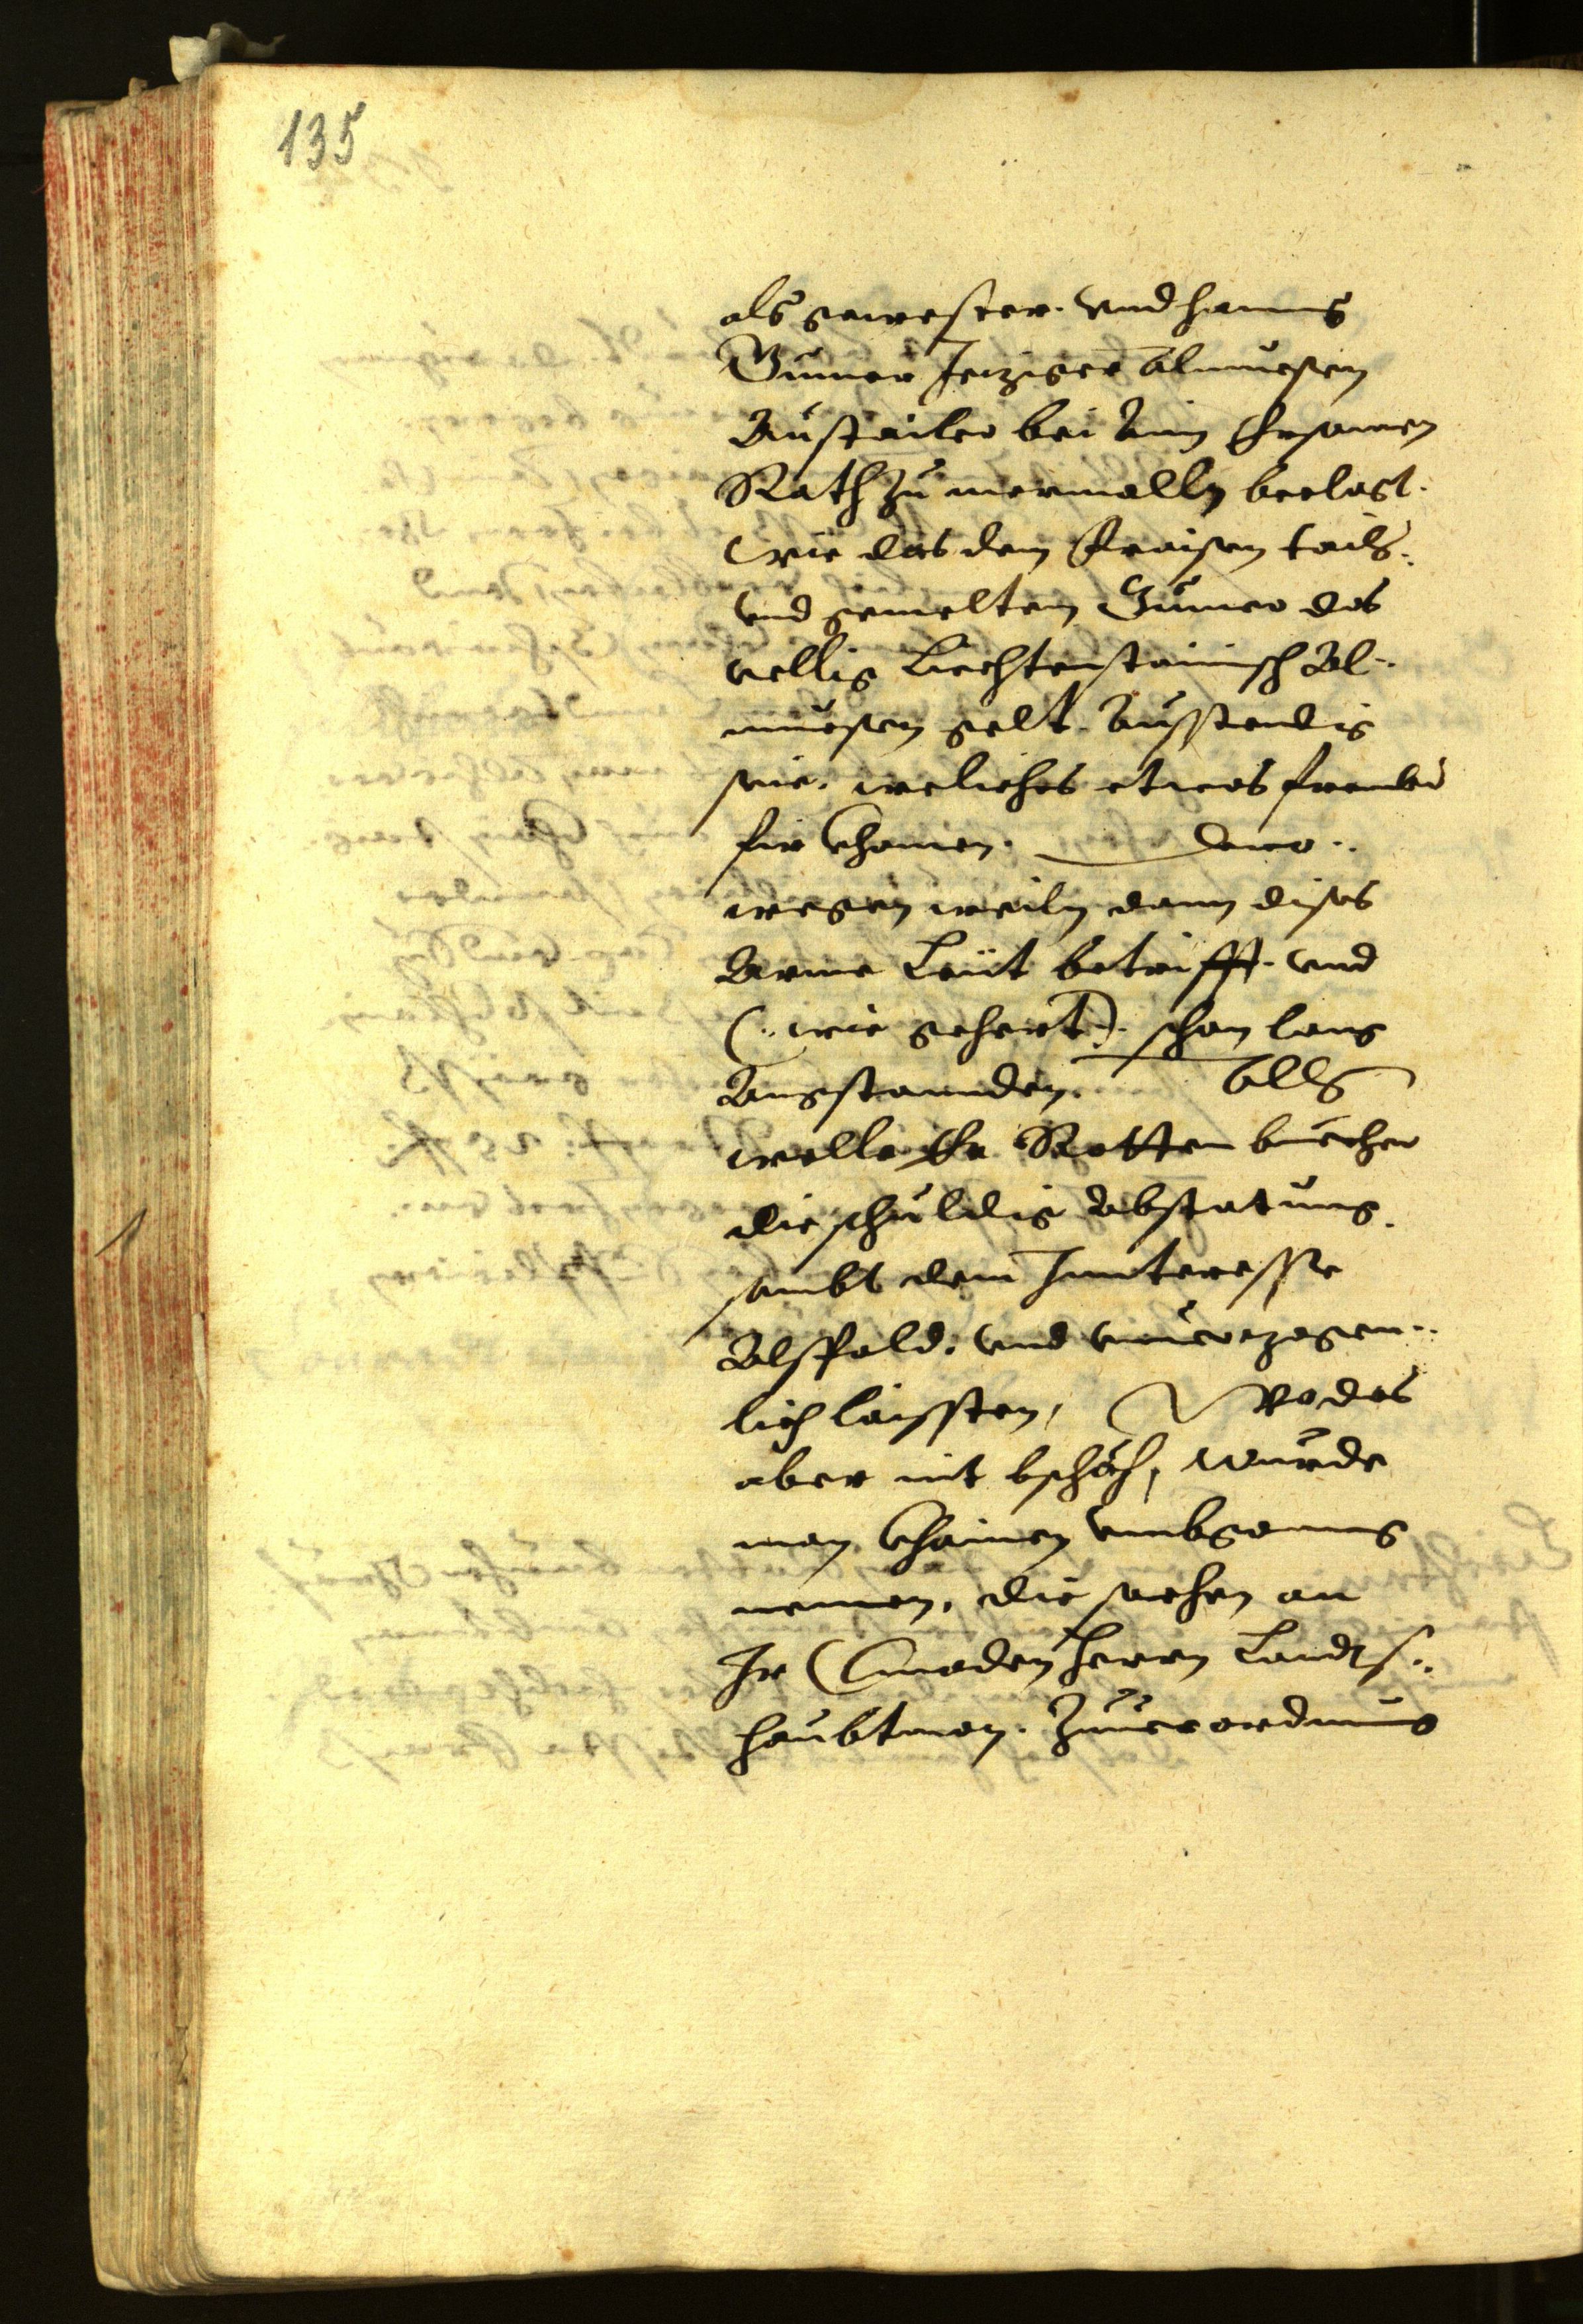135
als gewester. vnd Hanns
Gūmer Jezige Almūesen
Aūstailer bei Aim Ersamen
Rath Zū mermalln beclagt.
wie das dem Fraisen tails¬
vnd gemeltem Gūmer das
vellig Liechtenstainisch Al¬
mūesen gelt. Aūsstendig
seie. weliches etwas frembd
fir khomen. Dero¬
wegen weiln dann dises
Arme Leüt betrifft. vnd
(:wie gehert.). schon lang
Angestannden. Alls
welle Er Rotten būecher
die schūldig Abstatūng.
sambt dem Innteresse
Alspald. vnd vnv̄erzogen¬
lich laissten, Wo das
aber nit bschōh, wūrde
man khainen vmbganng
nehmen, die sachen an
Ir Gnaden herrn Landts¬
haūbtman. Zūūer ordnūng